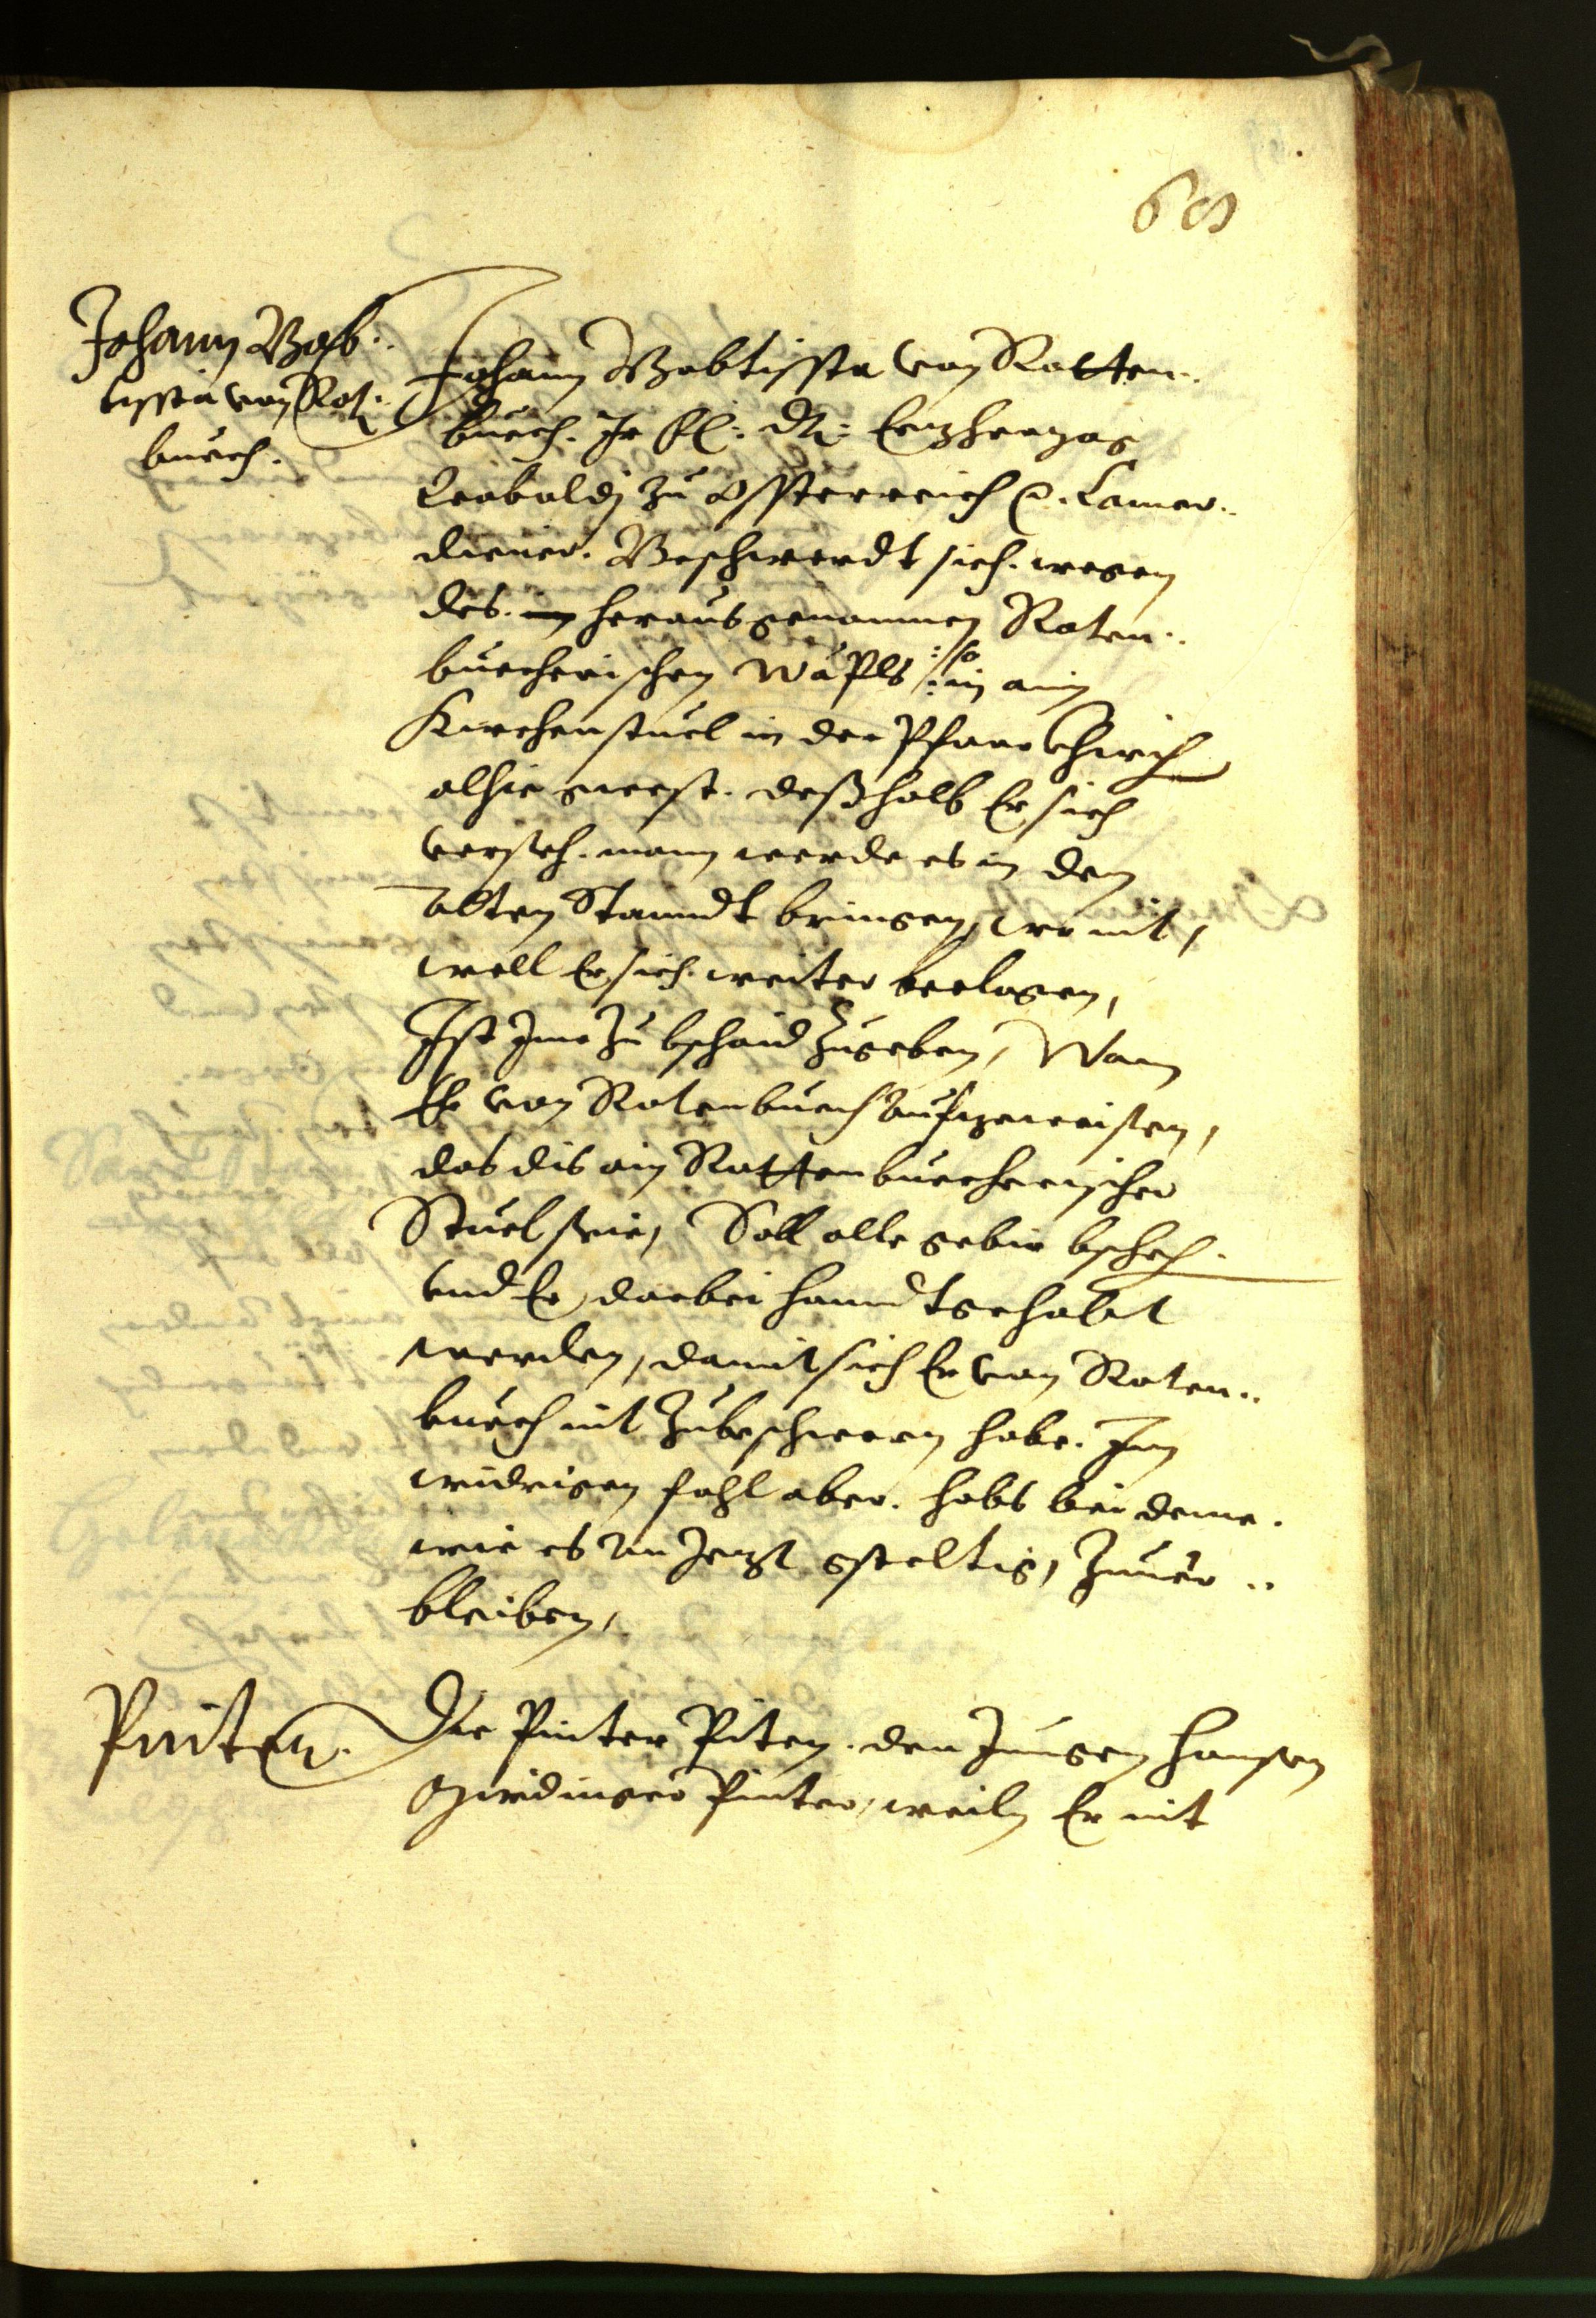68
Johann Babtissta von Rotten¬
būech. Ir Fl: dt: Erzherzog
Leoboldj Zū Ossterreich etc. Camer¬
diener. Beschwerdt sich. wegen
des im heraūs genommen Roten¬
būecherischen WāPls :so: in ain
Kirchenstūel in der Pfarrkhirch
alhie gwest. deßhalb Er sich
versteh. mann werde es in den
Alten Stanndt bringen, wo nit,
well Er sich. weiter beclagen,
Ist Ime Zū bschaid Zūgeben, Wann
Er von Rotenbūech Aūfzeweisen,
das dis ain Rottenbūecherischer
Stūel seie, Soll alle gebir bscheh
vnd Er darbei hanndtgehabt
werden, damit sich Er von Roten¬
būech nit Zūbeschwern habe. Im
widrigen fahl aber. habs bei deme.
wie es An Jezt gsteltig, Zūuēr¬
bleiben,
Johann Bab¬
tissta von Rot¬
būech.
Die Pinter Piten. den Jūngen hansen
Mirdinger Pinter, weiln Er nit
Pinter.